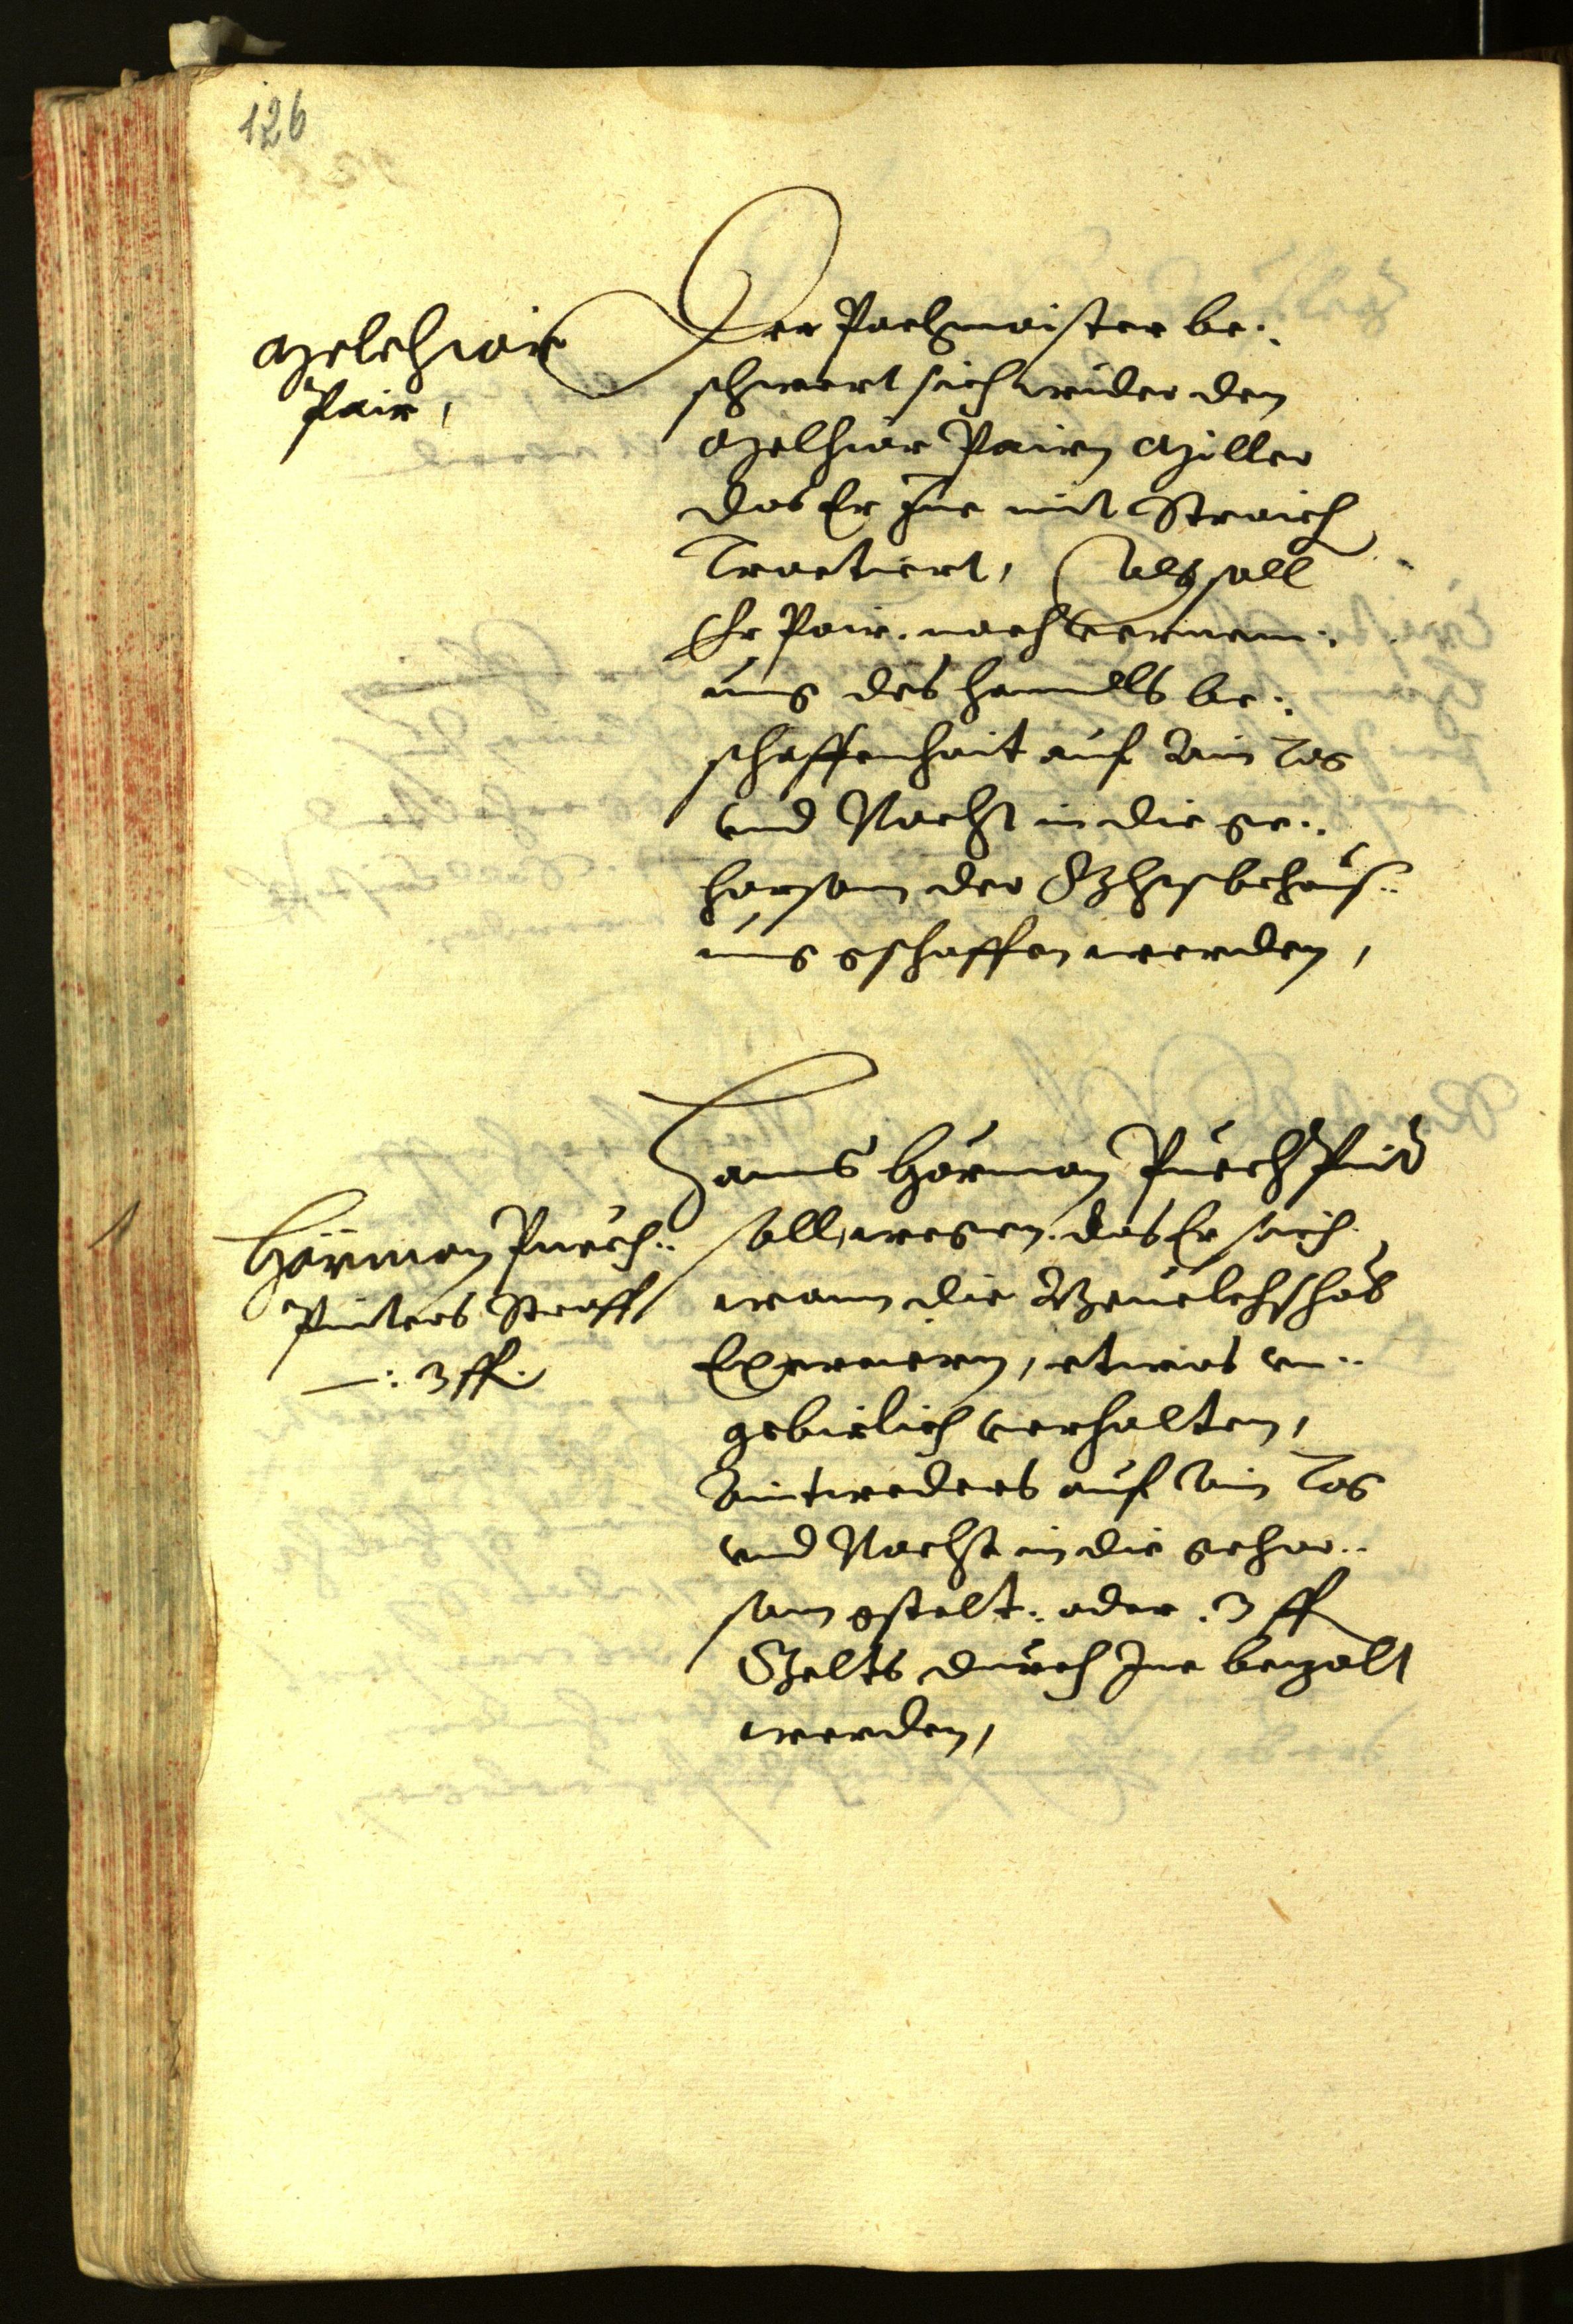126
Der Pachmaister be¬
schwert sich wider den
Melchior Pairn Miller
das Er Ine mit Straich
Tractiert, Als soll
Er Pair. nach vernem¬
ūng des hanndls be¬
schaffenhait aūf Ain Tag
vnd Nacht in die ge¬
horsam der Ghtsbehaūs¬
ūng gschaffen werden,
Melchior
Pair,
Hanns Hōrman PūechPint
soll wegen. das Er sich.
wann die Beūelchshab
Exerciern, etwas vn¬
gebirlich verhalten,
Aintweders aūf Ain Tag
vnd Nacht in die gehor¬
sam gstelt: oder .3 fl
Gelts dūrch Ine bezalt
werden,
Hörman Pūch¬
Pinters Straff
—: 3 fl.